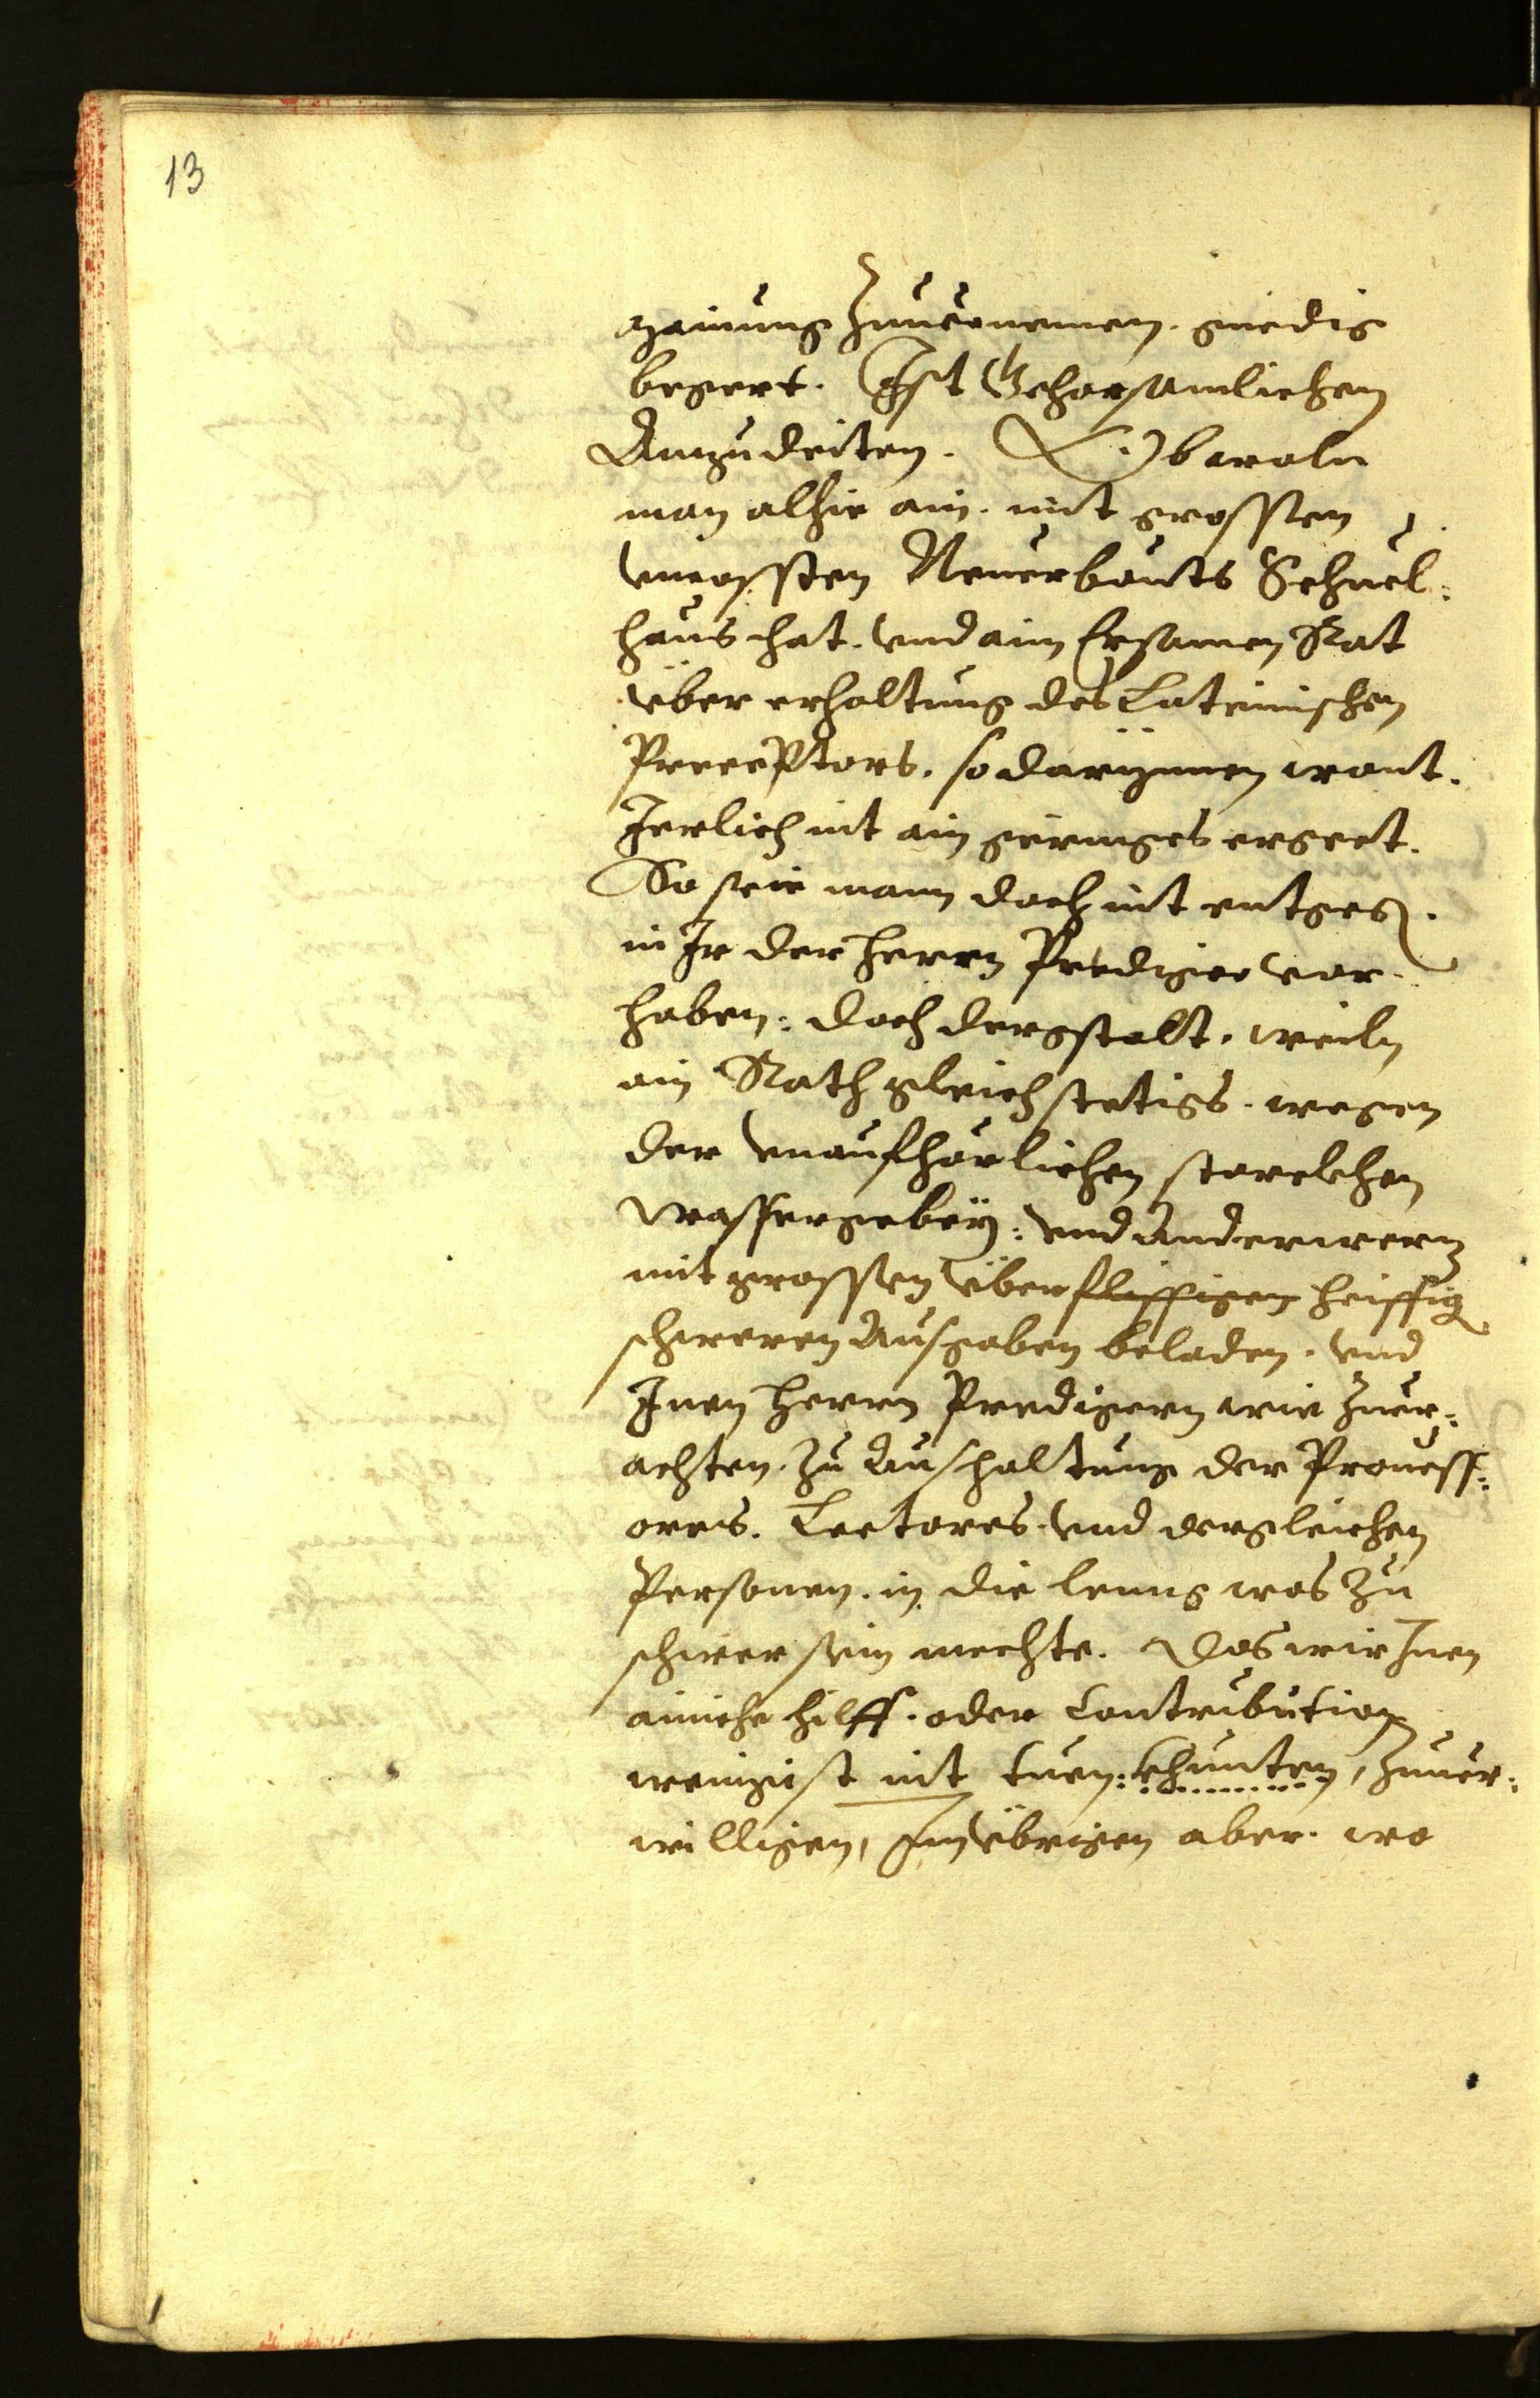13
Mainūng Zūuērnemen. gnedigs
begert. Ist Gehorsamlichen
Anzūdeiten. Obwoln
man alhie ain. mit grossen
Vncossten Neūerbaūts Schūel¬
haūs hat. vnd aim Ersamen Rat
v̈ber erhaltūng des Lateinischen
PrecePtors. so darÿnnen wont.
Jerlich nit ain geringes ergeet.
So seie mann doch nit entgeg
in Ir der Herrn Prediger vor¬
haben. doch dergstalt. weiln
ain Rath gleich stetigs. wegen
der vnaūfhōrlichen starckhen
Wassergebeÿ: vnd Anderwerz
mit grossen v̈berflissigen heiffig
schweren Aūsgaben beladen. vnd
Inen Herrn Predigern wie Zūer¬
achten. Zū Aūshaltūng der Proūess¬
ores. Lectores. vnd dergleichen
Personen. in die lenng was Zū
schwer sein mechte. das wir Inen
ainiche hilff. oder Contribūtionen
wenigist nit tūen. khūnten, Zūuēr¬
willigen, Im v̈brigen aber. wo